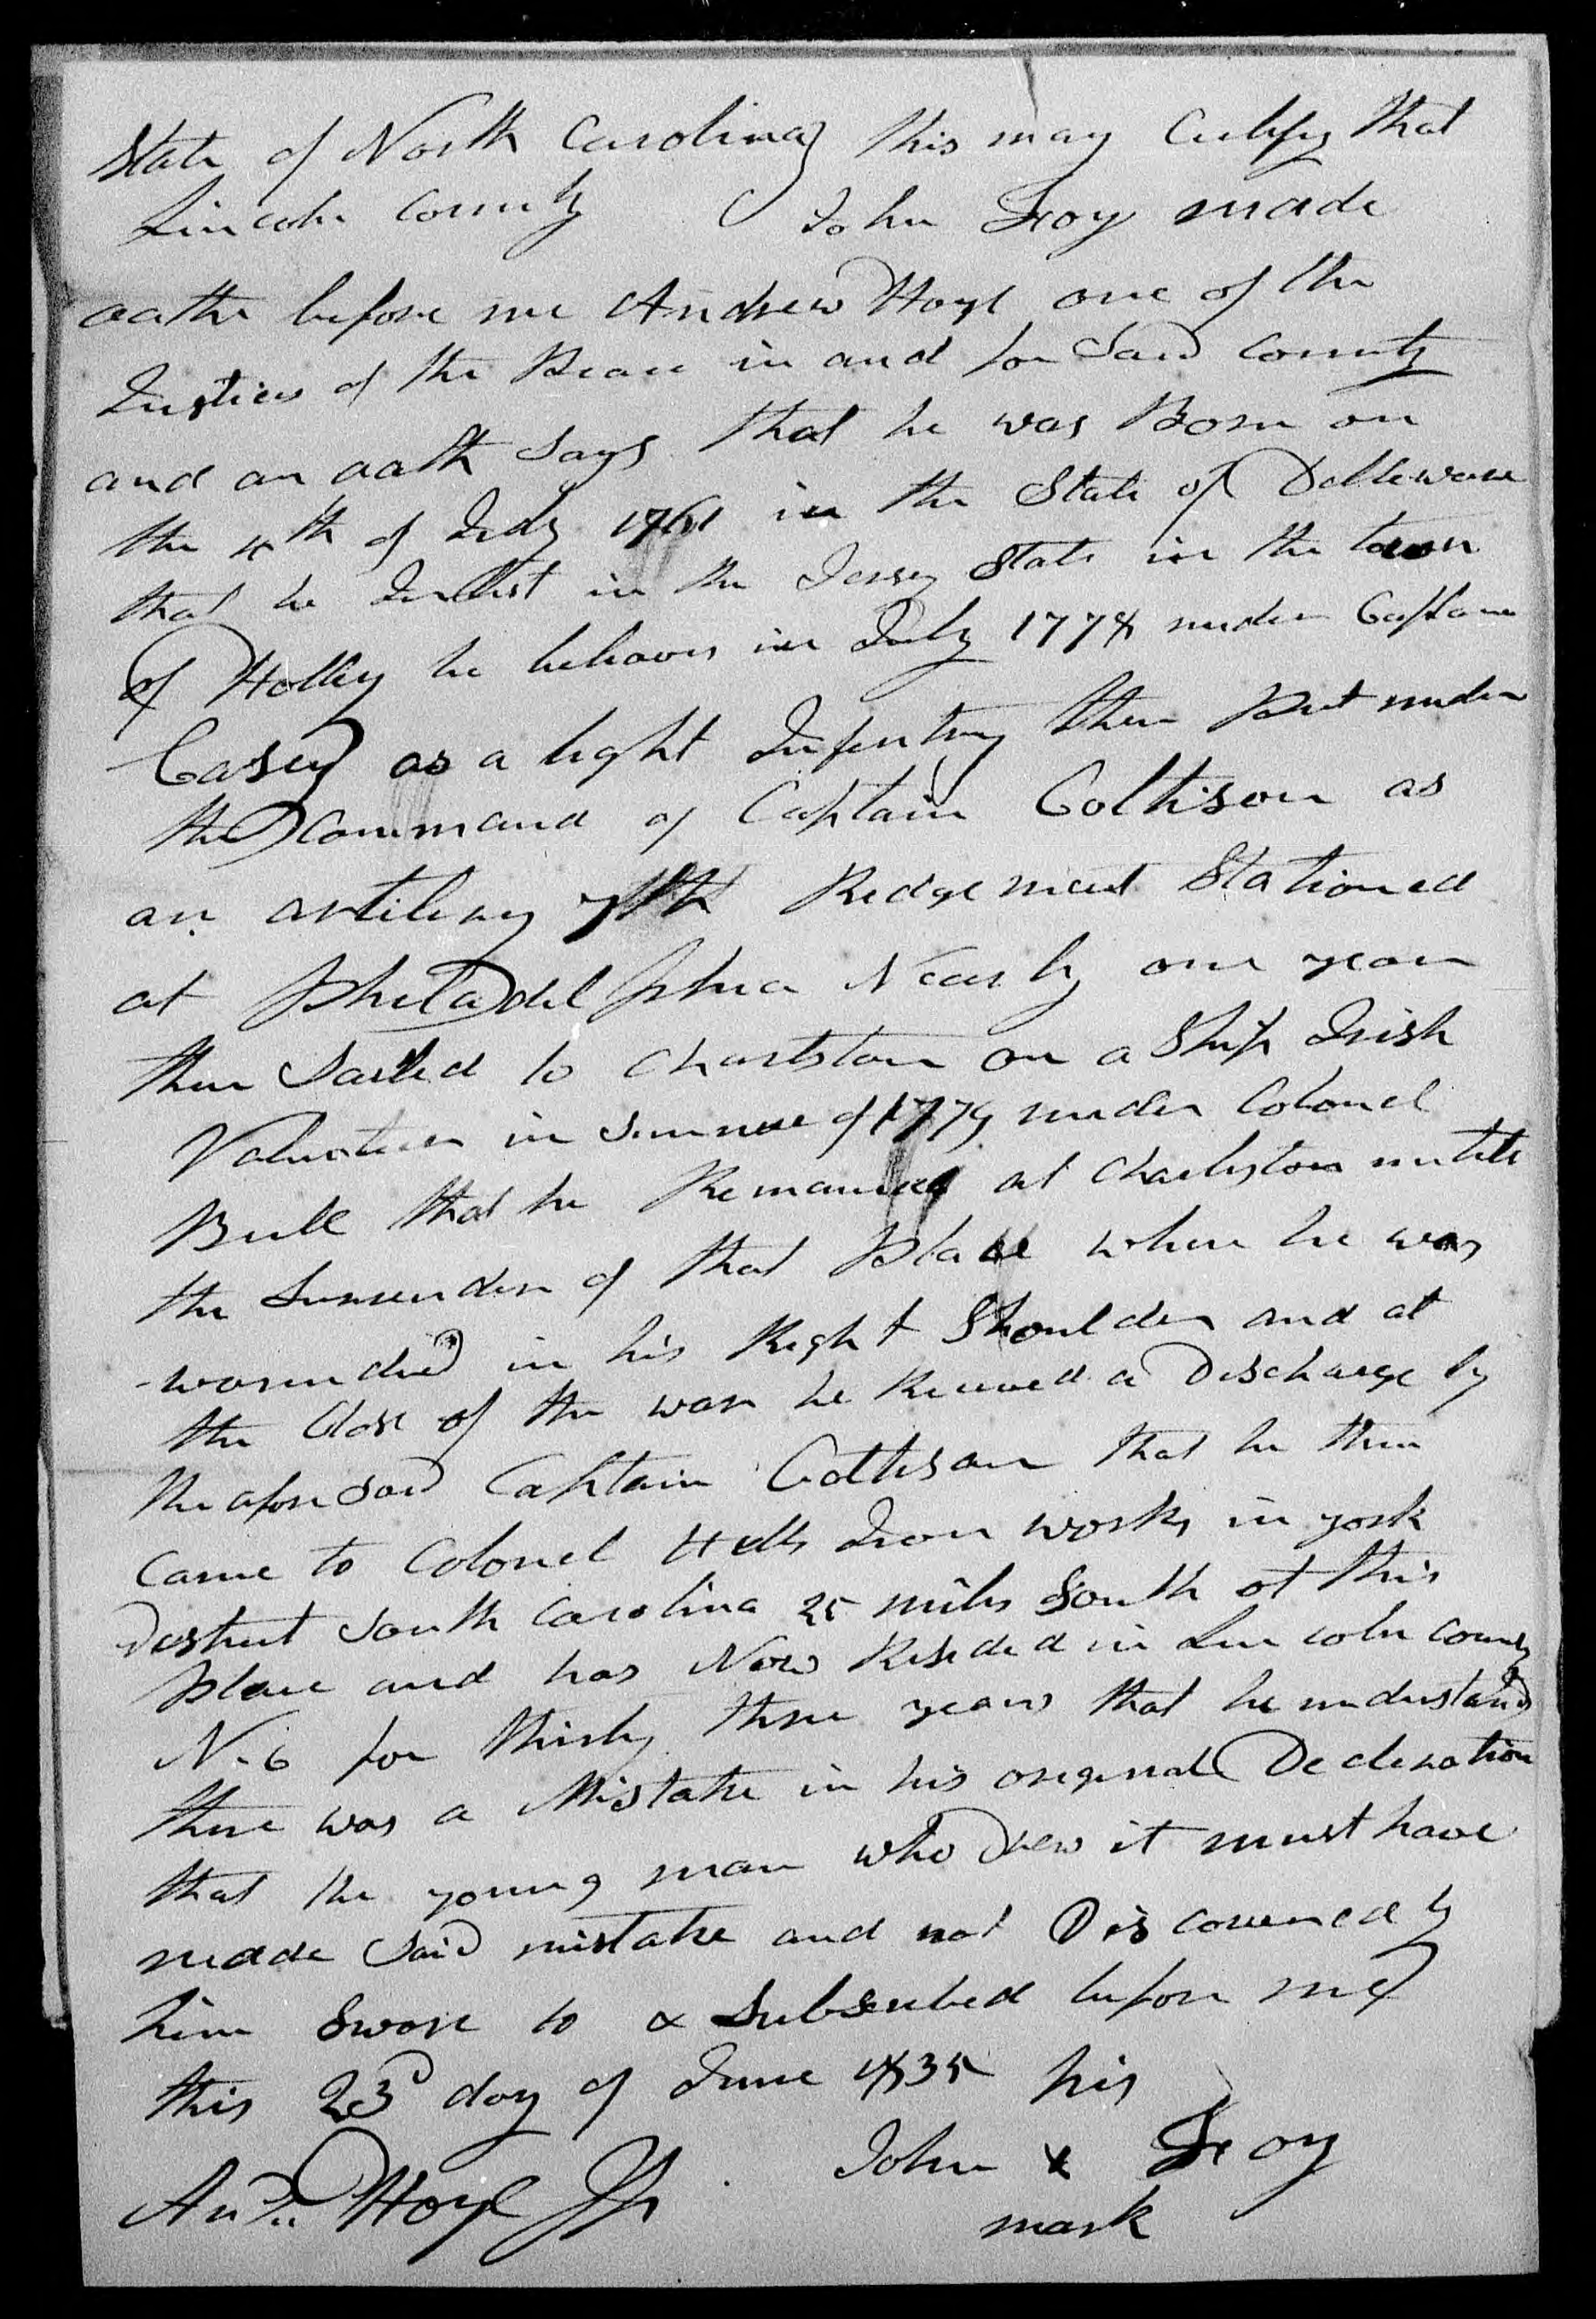State of North Carolina Lincoln County
This may certify that John Foy made oath before me Andrew Hoyl one of the Justices of the Peace in and for said county and on oath says that he was Born on the 4th of July 1761 in the State of Delaware that he [illegible] in the Jersey State in the town of Holly he believes in July 1778 under Captain Casey as a light Infantry then put under the command of Captain Coltison as an artilery [sic] 7th Regiment Stationed at Philadelphia Nearly one year then sailed to Charleston on a ship Irish Volunteer in summer of 1779 under Colonel Bull that he remained at Charleston until the Surrender of that place when he was wounded in the Right Shoulder and at the close of the war he Received a Discharge by the aforesaid Captain Coltison that he then came to Colonel Hills Iron Works in York District South Carolina 25 miles South of this place and has now resided in Lincoln County NC for thirty three years that he understands there was a Mistake in his original Declaration that the young man who drew it must have made said mistake and not Discovered by him swore to + Subscribed before me this 23d day of June 1835
And Hoyl Jr
his
John X Foy
mark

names: Coltison, Andw Hoyl, Bull, Hells, John Foy, John Foy, Coltisan, Andrew Hoyl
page: 10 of 11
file: R., John Foy, New Jersey